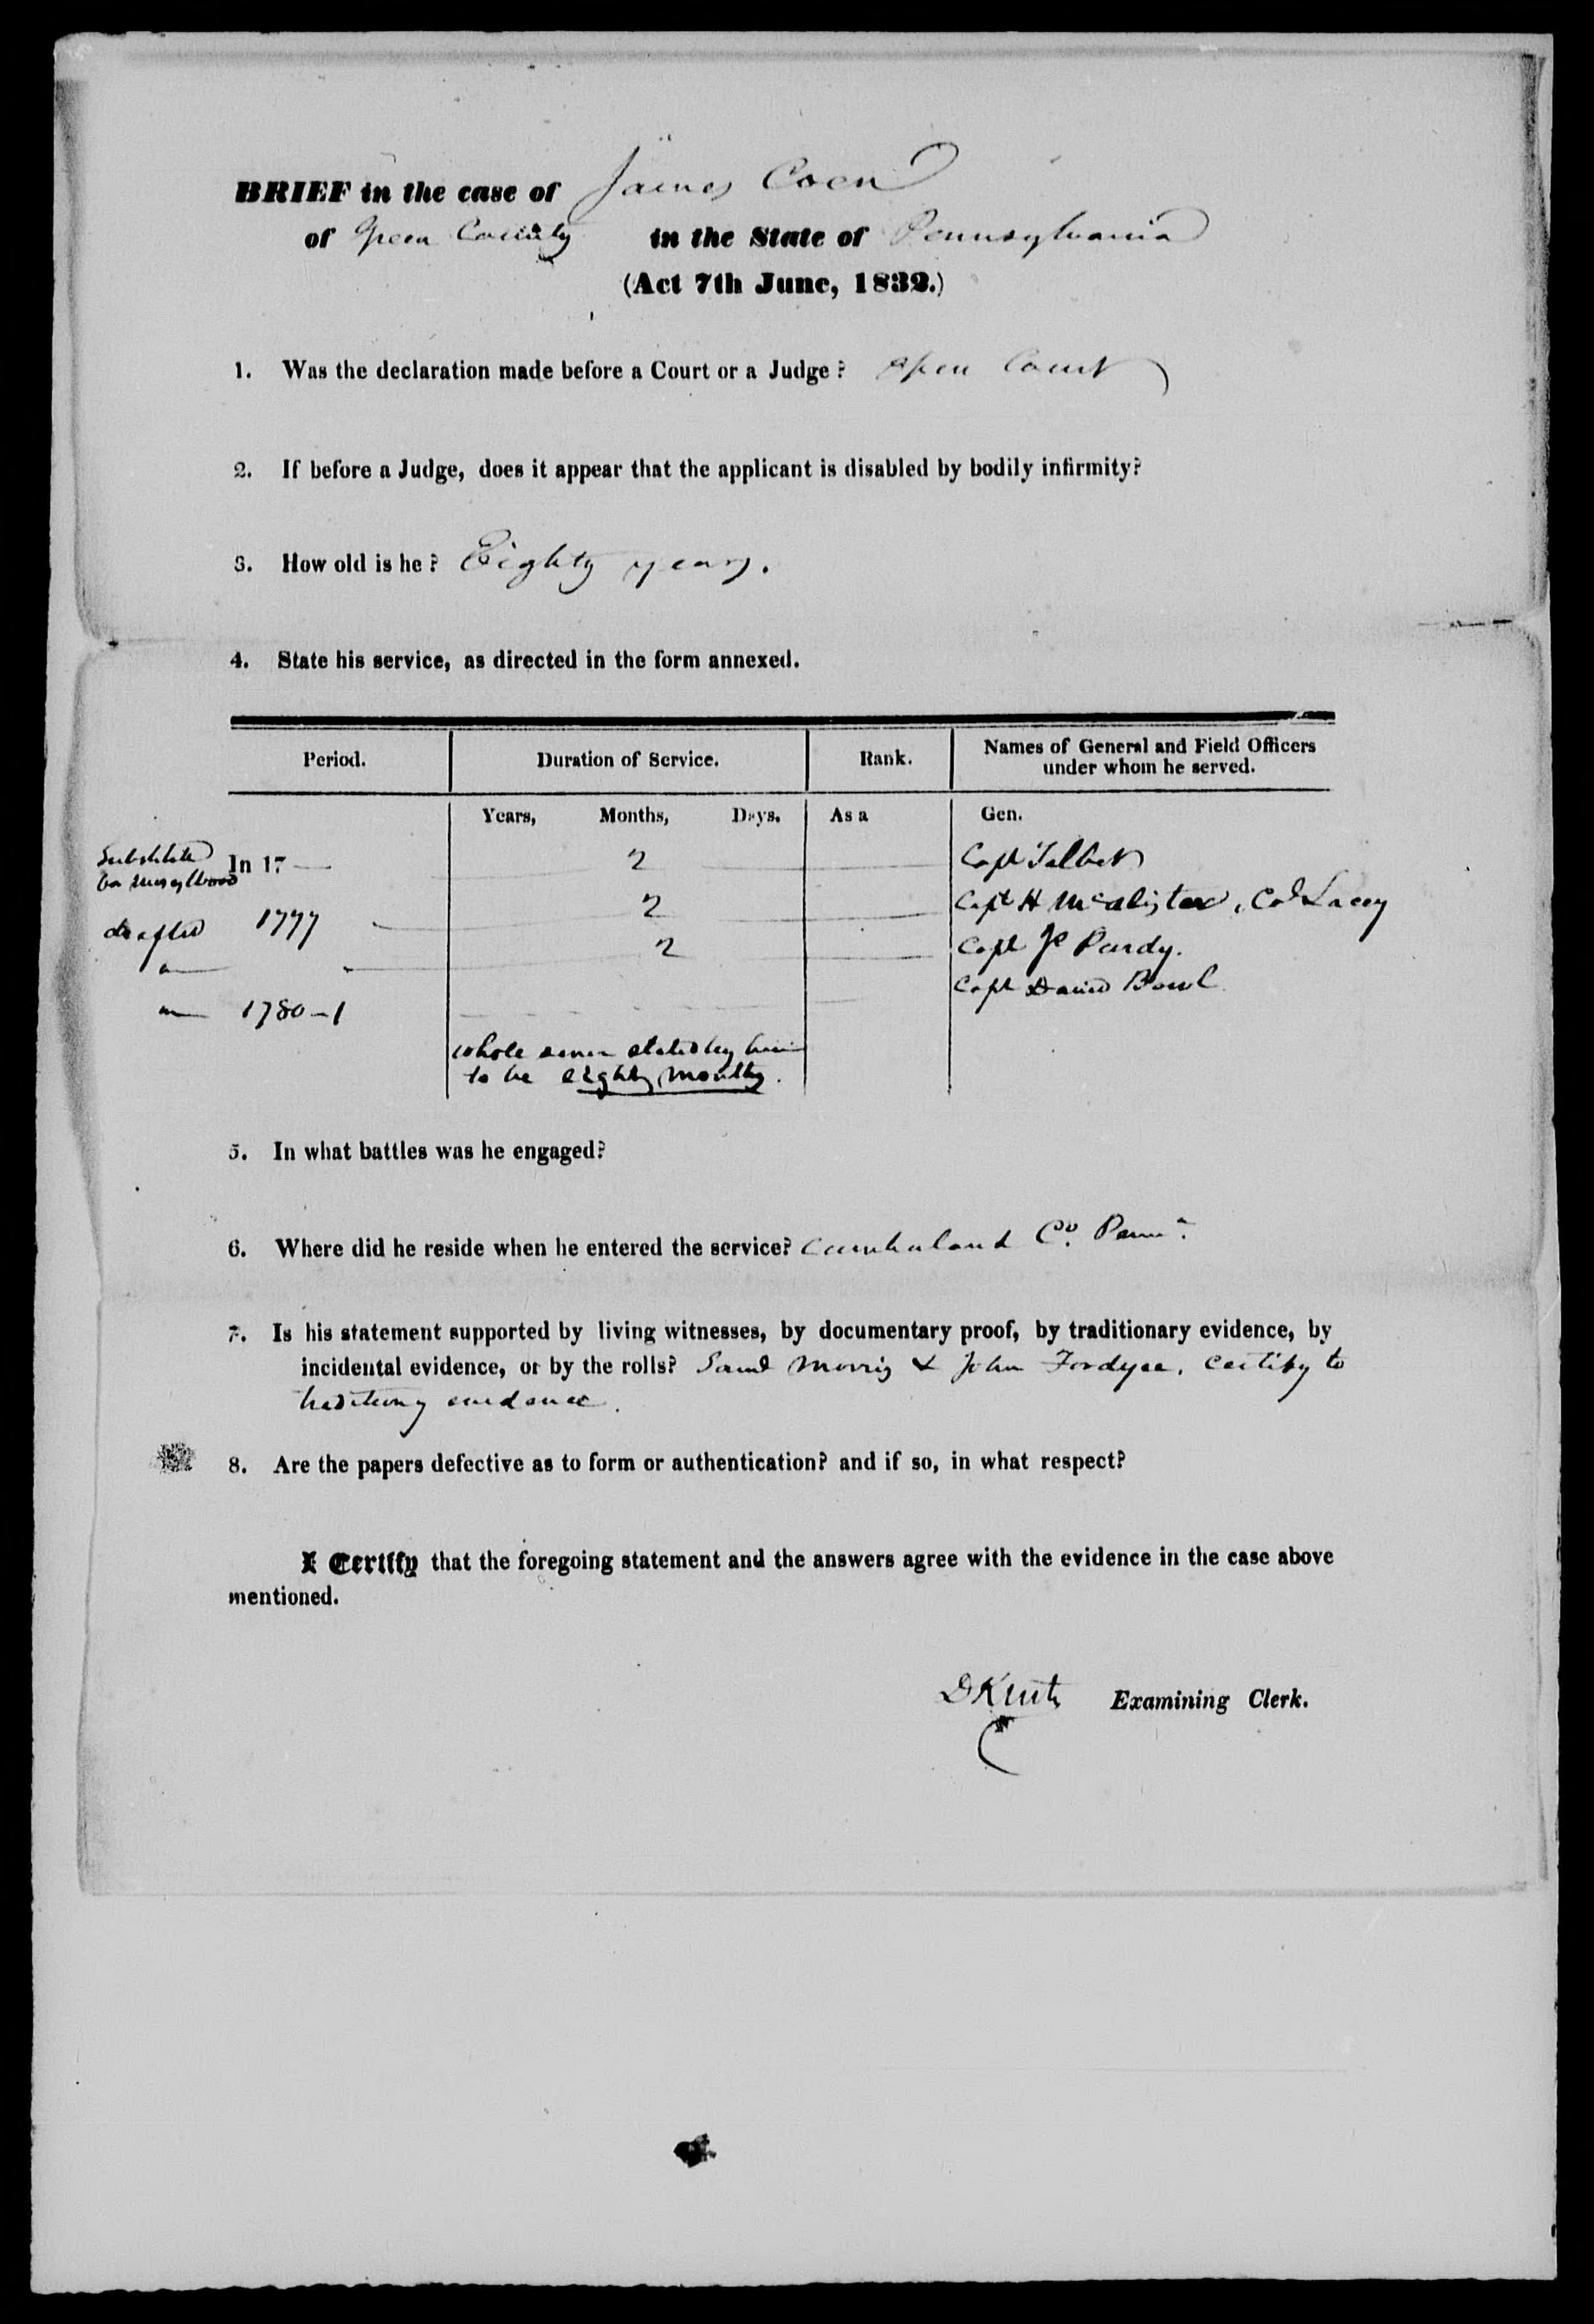Brief in the case of James Coen
of Green County in the State of Pennsylvania
(Act 7th June, 1832)
1. Was the declaration made before a court or a judge? Open Court
2. If before a judge, oes it apper that the applicant is disabled by bodily infirmity?
3. How old is he? Eighty years
4. State his service, as directed in the form annexed.

Period              Duration of service      Ranks        Names of General an Field Officers
under whom he served
Substitute in 17__2 months  Capt. Talbot
drafted 1777    2 months.  Capt. H, McAlister
drafted 1777    2 months.  Capt. Js Purdy
drafted 1780-1.              Capt. David Bowl
whole service stated by him
to be eight months.
5. What battles was he engaged? 
6. Where did he reside when he entered the Service? Cumberland Co. Penn.
7. Is his statement supported by living witnesses, by documentary proof, by traditionary evidence, by incidental evidence, of by rolls? Saml. Morris &.  John Fordyce certify to
traditionary evidence.
8. Are the papers defective as to form or authentication? and if so, in what respect?
I certify that the foregoing statement and the answers agree with the evidence in the case above mentioned
D. Kent  Examining Clerk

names: David Bowl, John Fordyce, H Mc Alister, Js Purdy, James Coen, Saml Morris, Talbot, D Kent, Lacey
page: 9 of 9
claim: survivor's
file: S. 2139, James Coen, Penn.